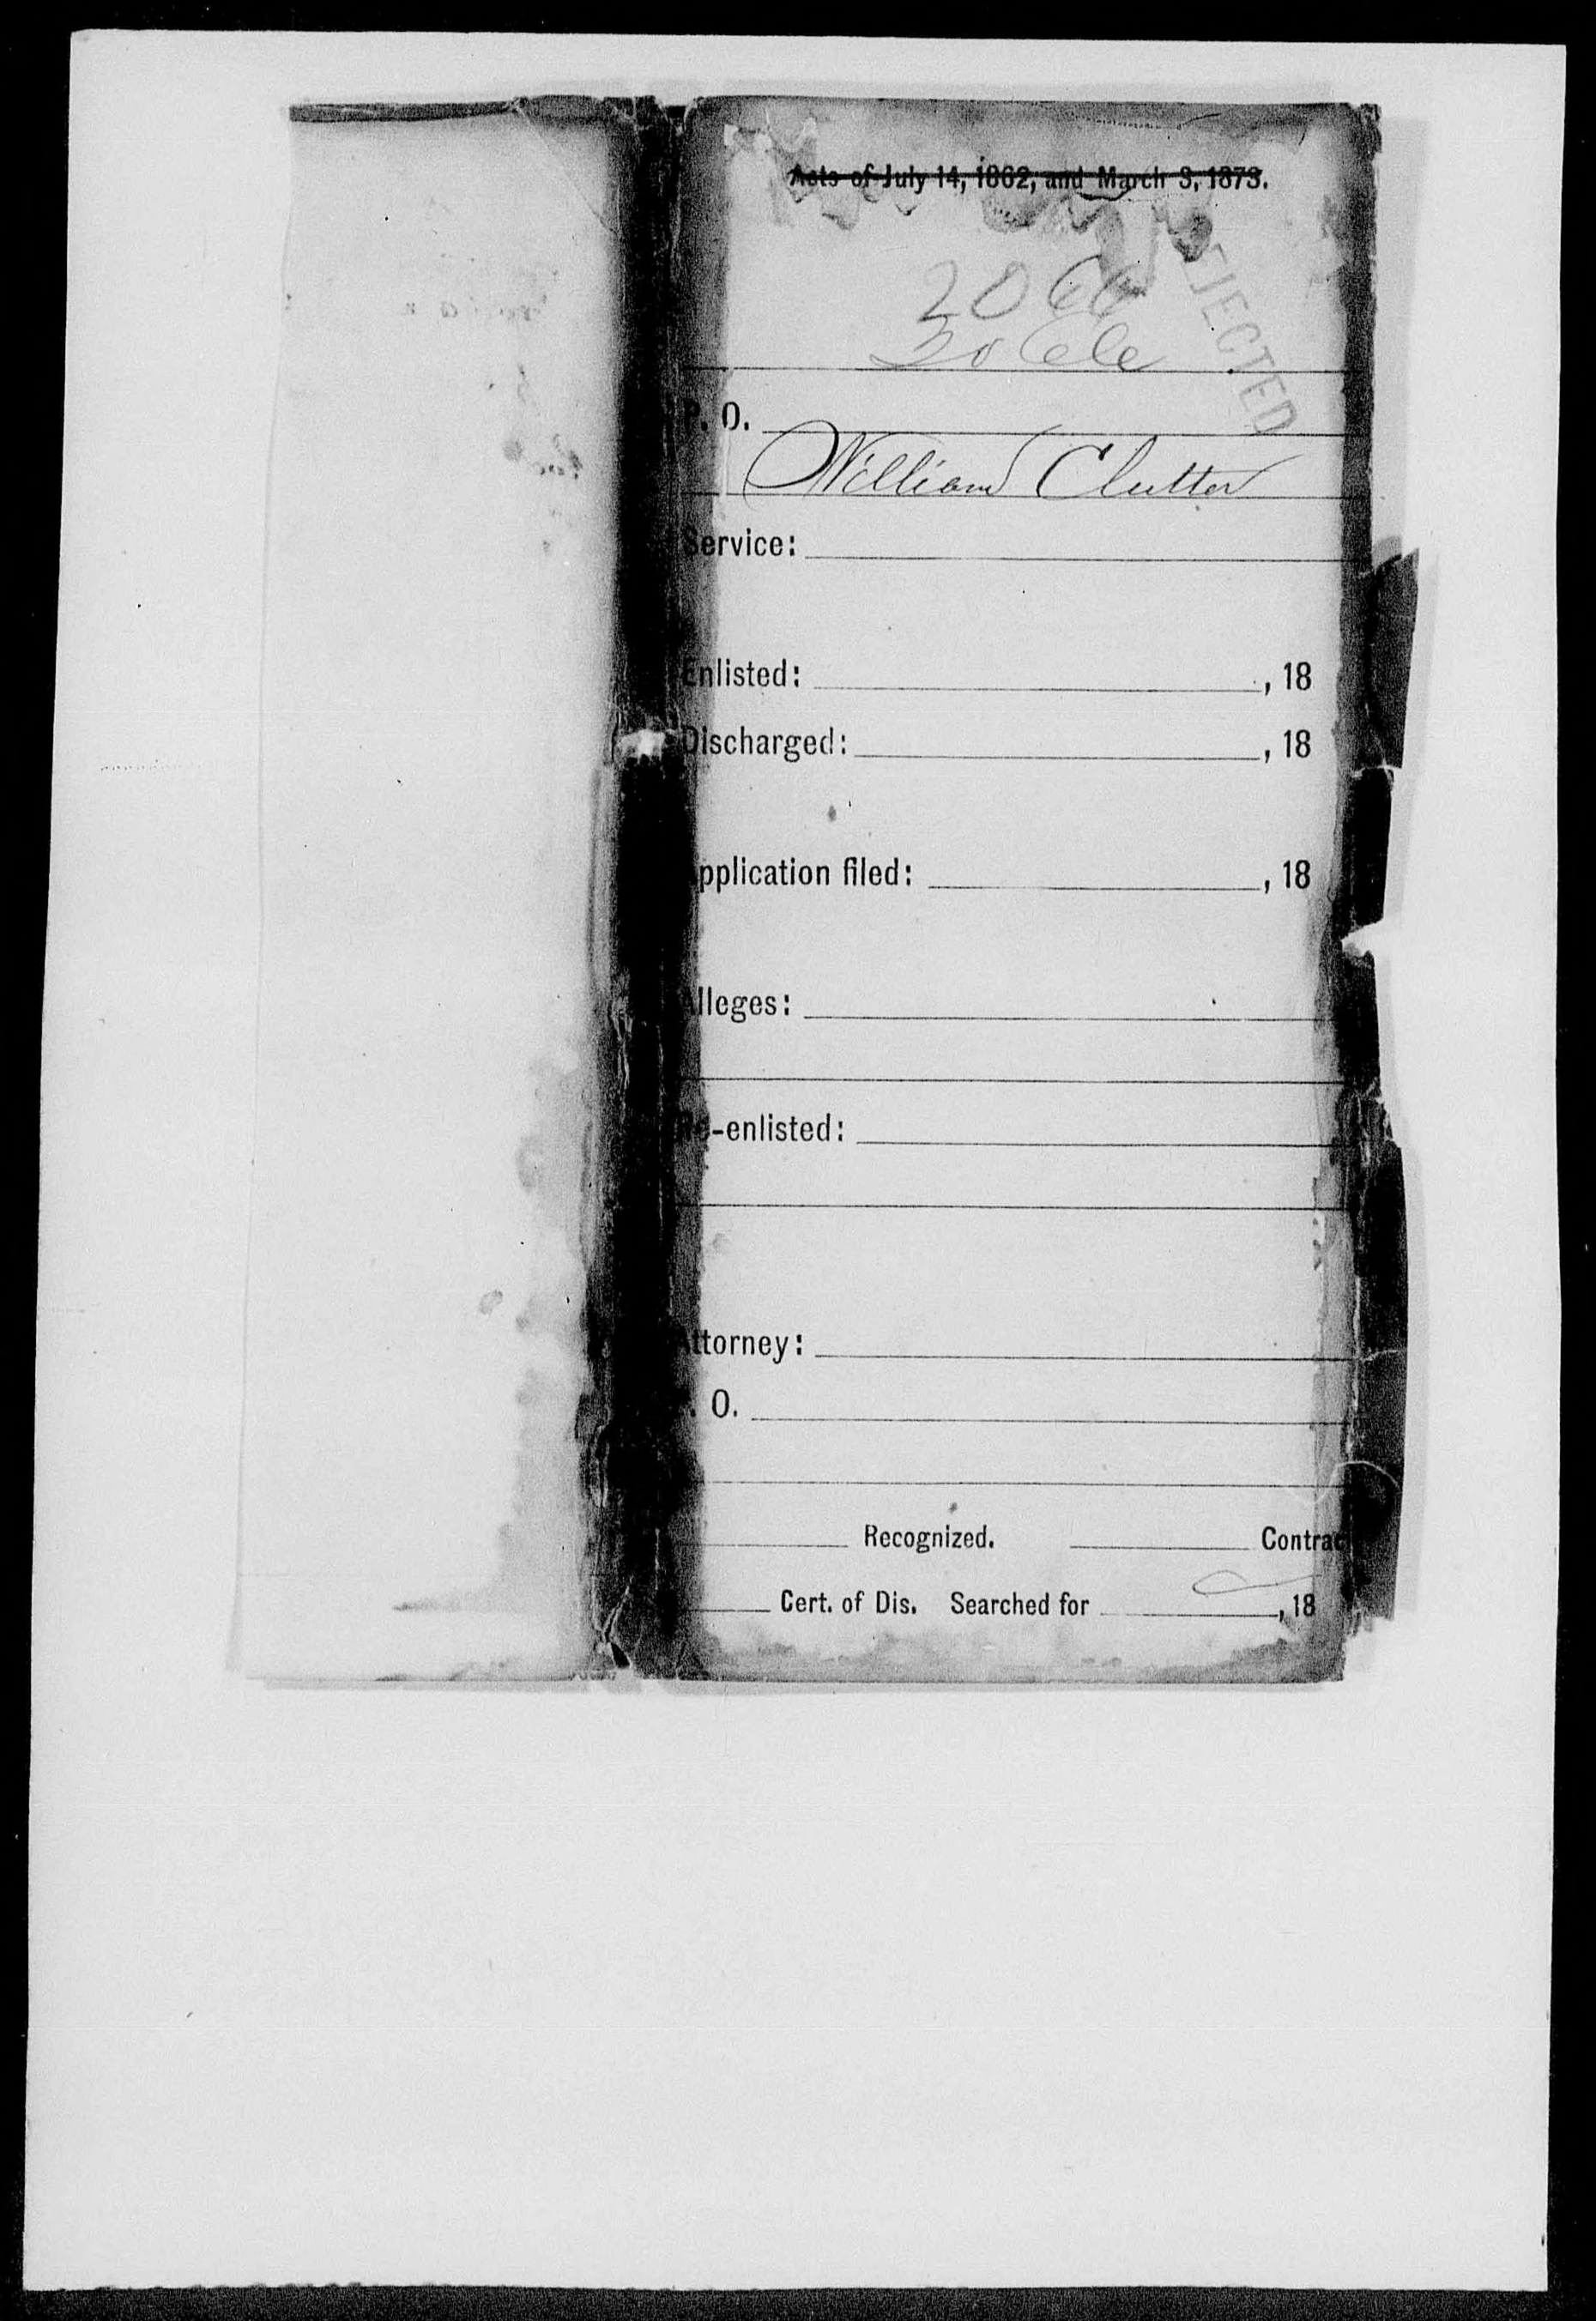2066
REJECTED
P.O.
William Clutter
Service:
Enlisted: ____________, 18
Discharged: ____________, 18
Application Filed:  ____________, 18
Alleges:
Re-Enlisted:
Attorney:
P.O.
Recognized   Contract
Cert. of Dis.
Searched for ____________, 18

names: William Clutter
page: 16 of 35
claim: rejected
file: R. 2066, William Clutter, New Jersey